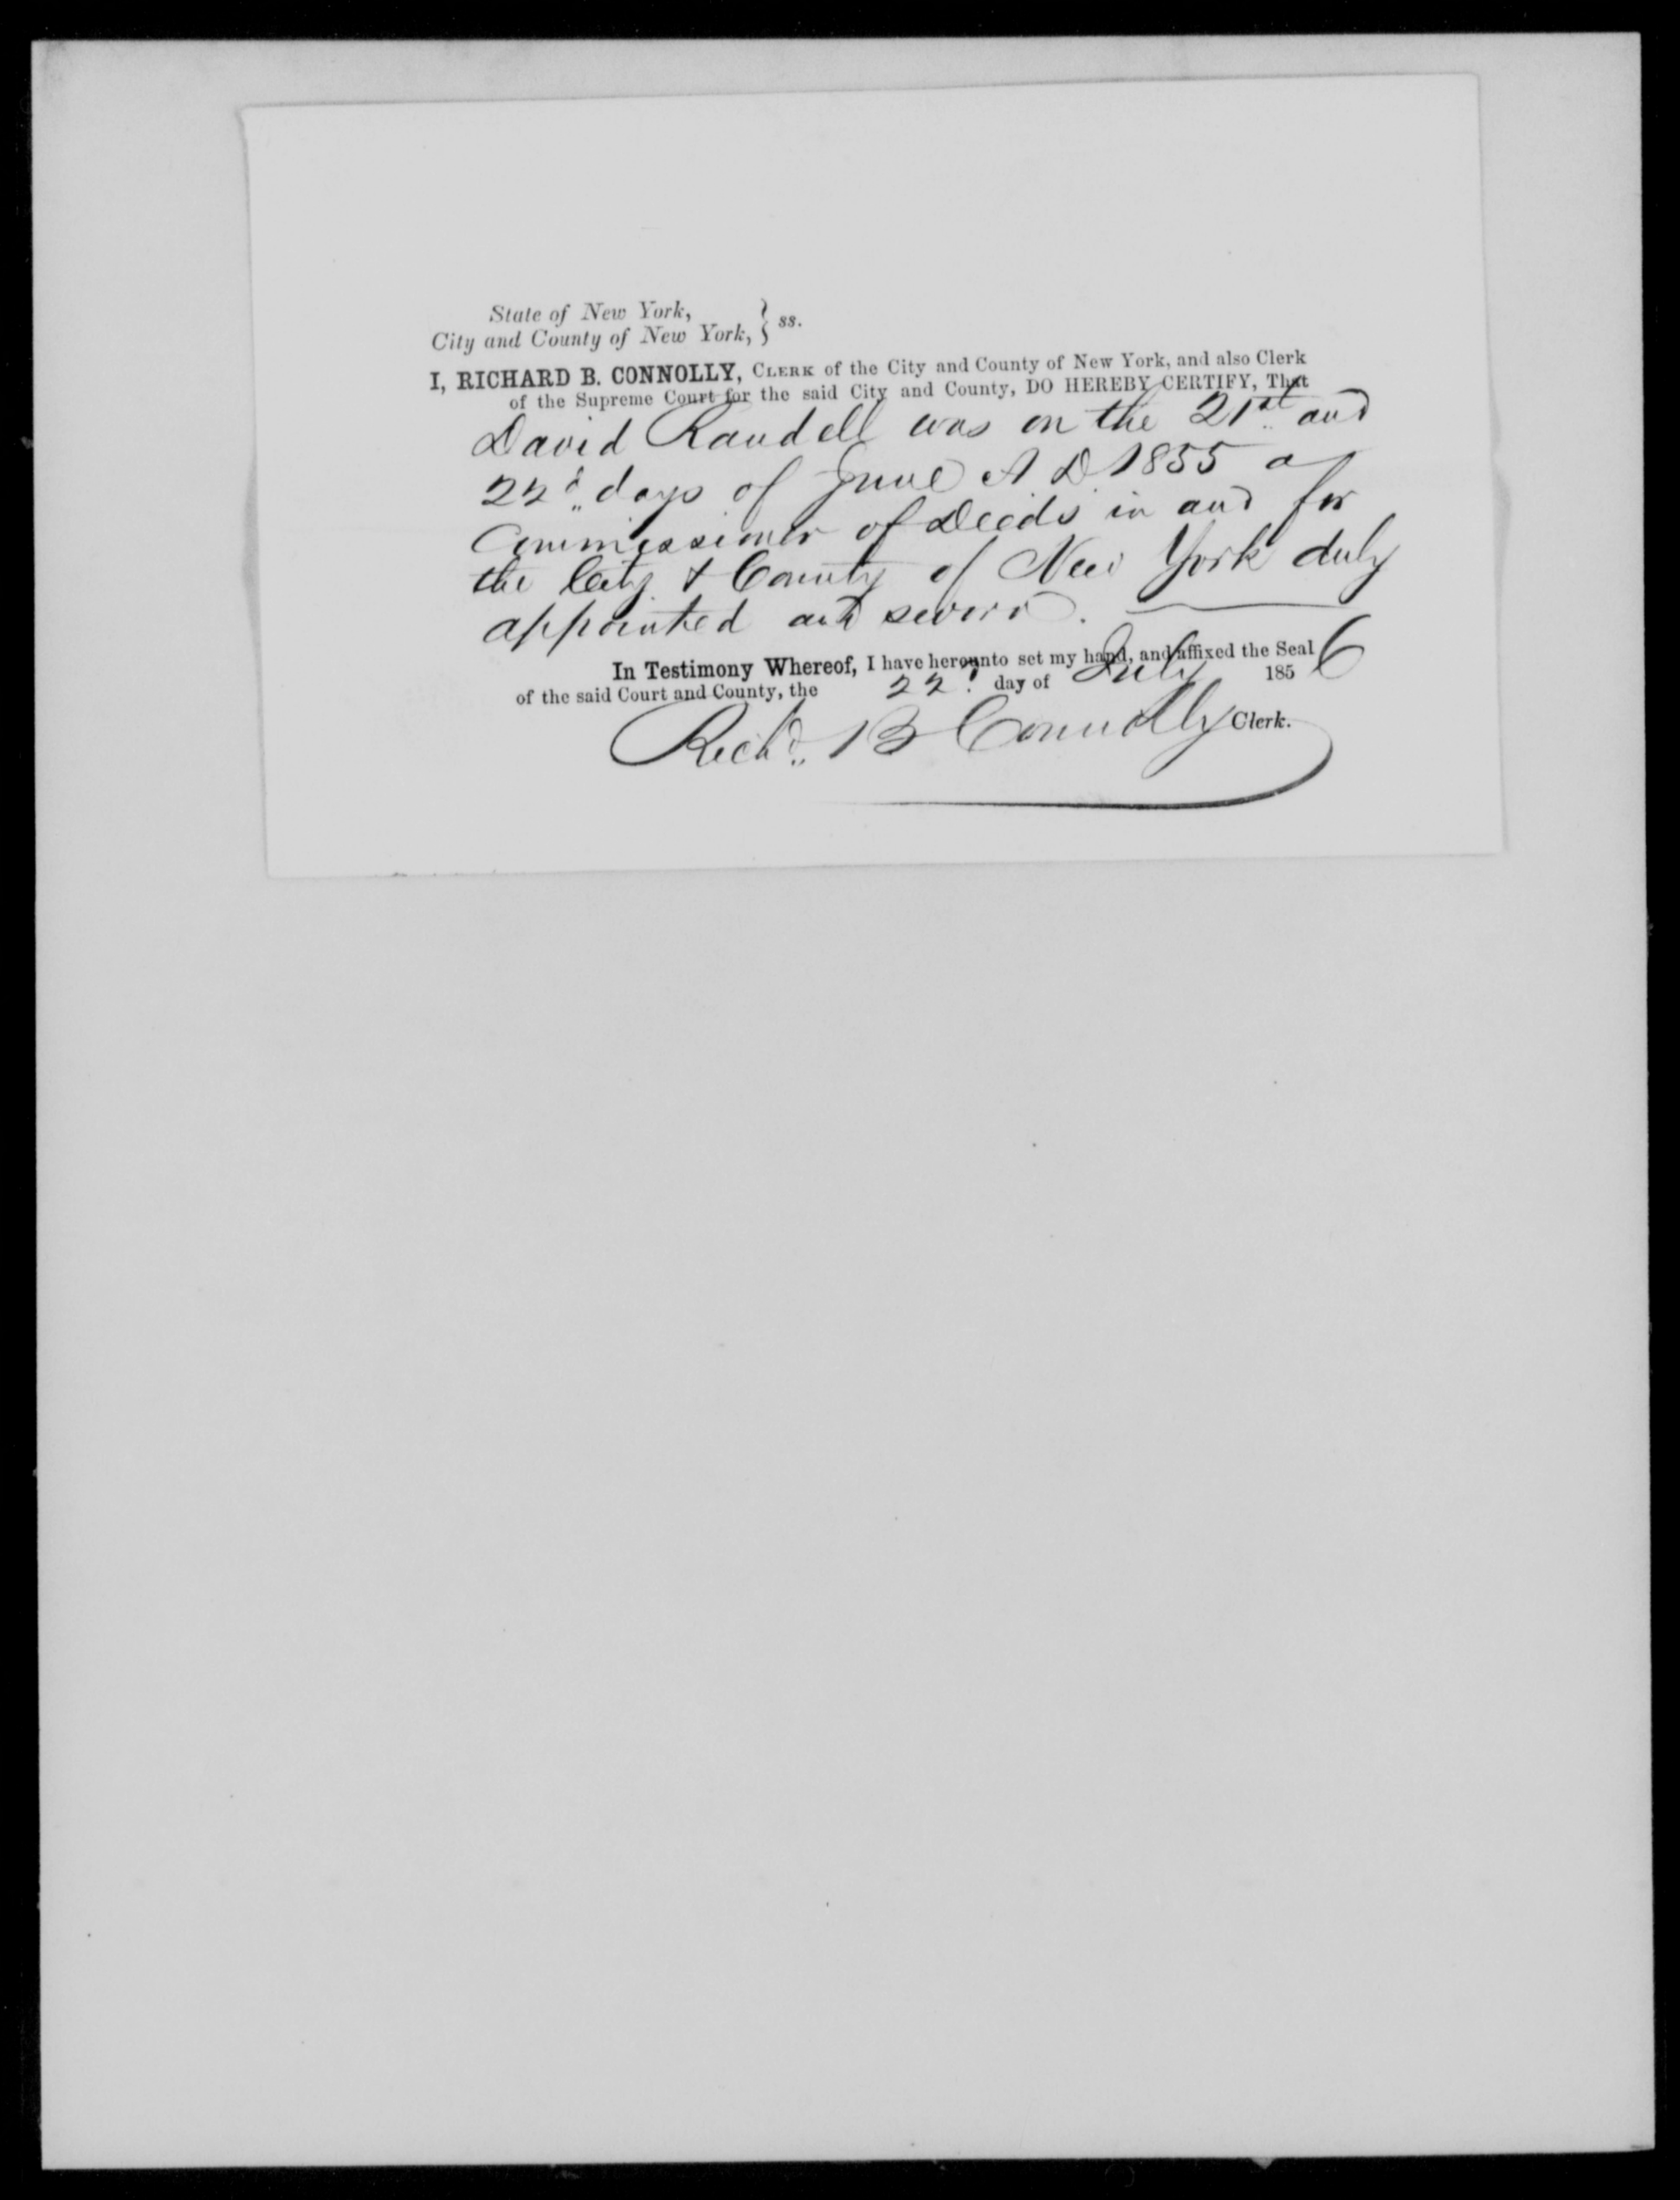State of New York,
City and County of New York,} ss.
I, RICHARD B. CONNOLLY, Clerk of the City and County of New York, and also Clerk of the Supreme Court for the said City and County, DO HEREBY CERTIFY, THAT  David Randell was on the 21st & 22d days of June A.D. 1855 a Commissioner of Deeds in and for the City & County of New York duly appointed and sworn -
 In Testimony whereof, I have hereunto set my hand, and affixed the seal of the said Court and County, the 22 day of July 1856
  Richd B Connolly Clerk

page: 97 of 101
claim: widow's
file: W. 25481, for Peter V Tilyou, New Jersey